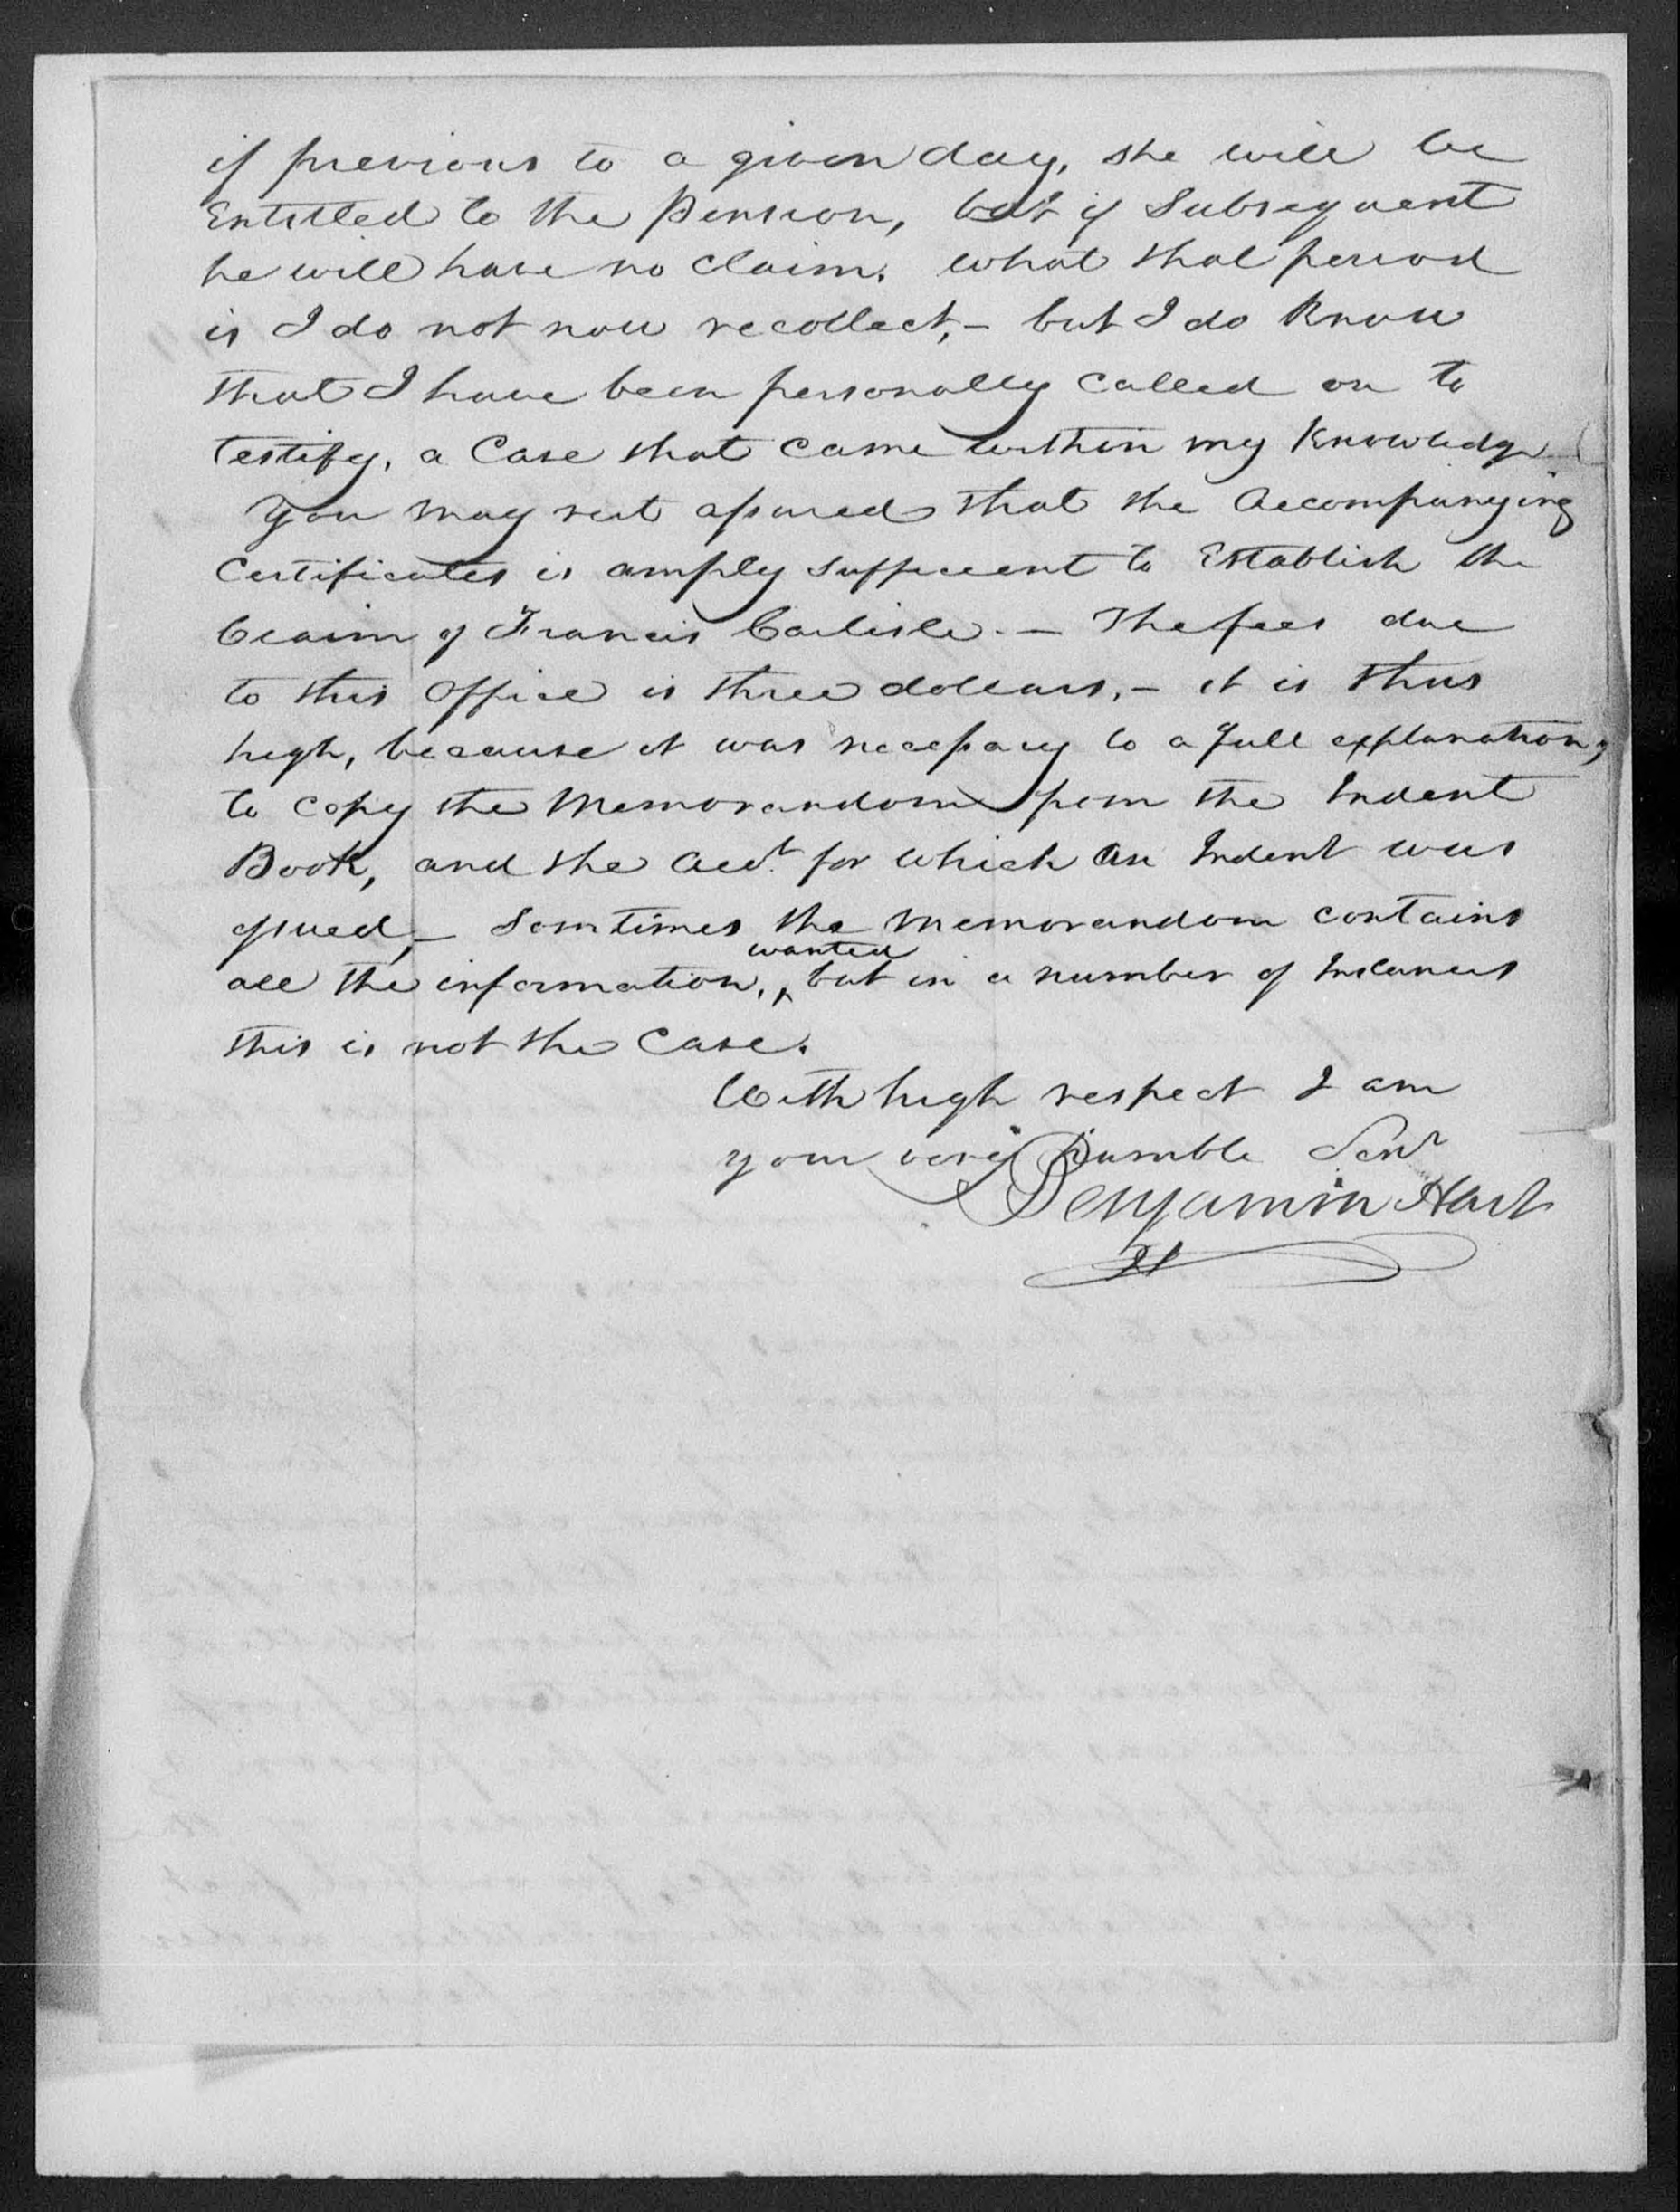if previous to a given day, she will be Entitled to the pension, but if Subsequent he will have no claim, what that period is I do not now recollect, but I do know that I have been personally called on to
testify, a case that came within my knowledge you may rest assured that the accompanying
Certificates is amply sufficient to establish the Claim of Francis Carlisle. The fees due to this office in three dollars, it is thus high, because it was necessary to a full explanation to copy the Memorandum from the Indent Book, and the acct for which an Indent was issued sometimes the memorandum contains all the information but in a number of Instances this is not the case.

With high respect I am your very humble Sevt
Benjamin Hart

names: Francis Carlisle, Benjamin Hart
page: 84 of 91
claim: widow's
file: W. 10576, Francis Carlisle, S.C.